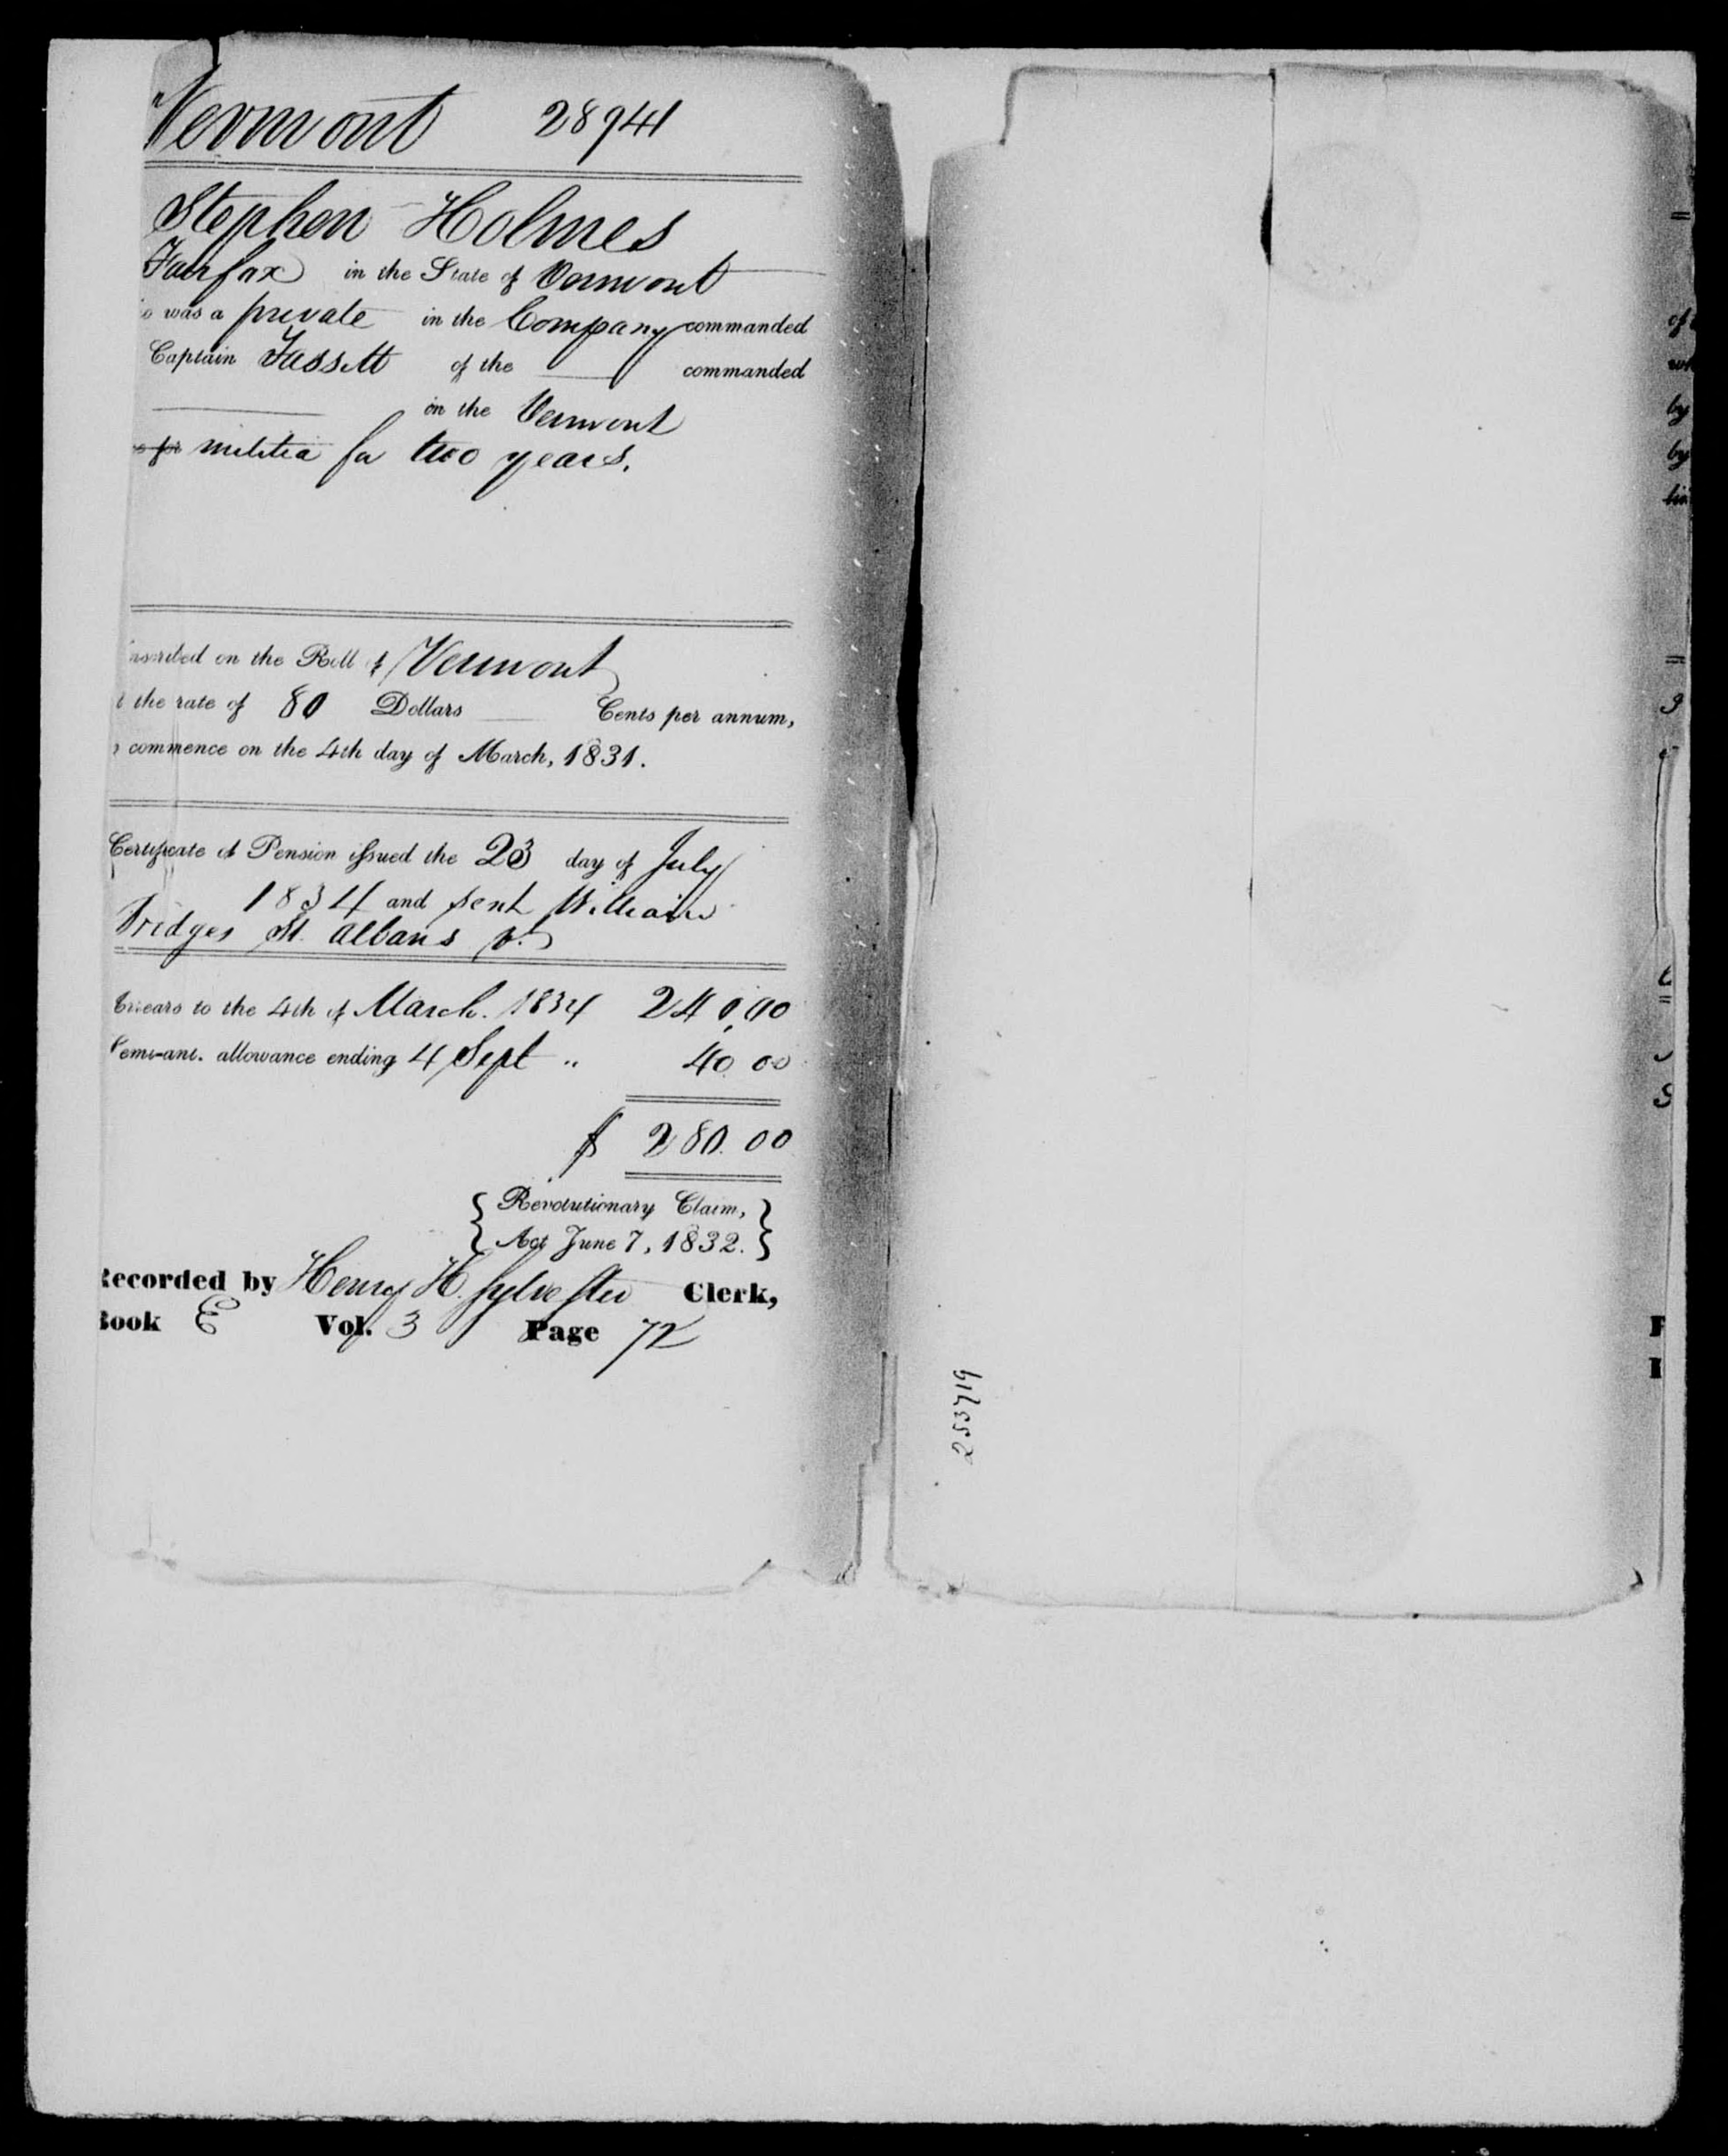Vermont
28944
Stephen Holmes
Fairfax in the State of Vermont
[illegible] was a private in the Company commanded
Captain Fassett of the [blank] commanded [blank] in the Vermont
[crossed out "for"] militia [illegible] two years.

Inscribed on the Roll of Vermont
the rate of 80 Dollars [blank] Cents per annum,
commence on the 4th day of March, 1831.

Certificate of Pension issued the 23 day of July 1834 and sent William
Bridges St. Albans Vt.

[illegible]ears to the 4th of March, 1834
Semi-anl. allowance ending 4 Sept "

240.00
40.00
$280.00

Revolutionary Claim,
Act June 7, 1832.

Recorded by Henry H. Sylvester Clerk,
Book E Vol. 3 Page 72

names: Stephen Holmes, Henry H Sylvester, Fassett, William Bridges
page: 2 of 72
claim: widow's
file: W. 7771, Stephen Holmes, Vt.